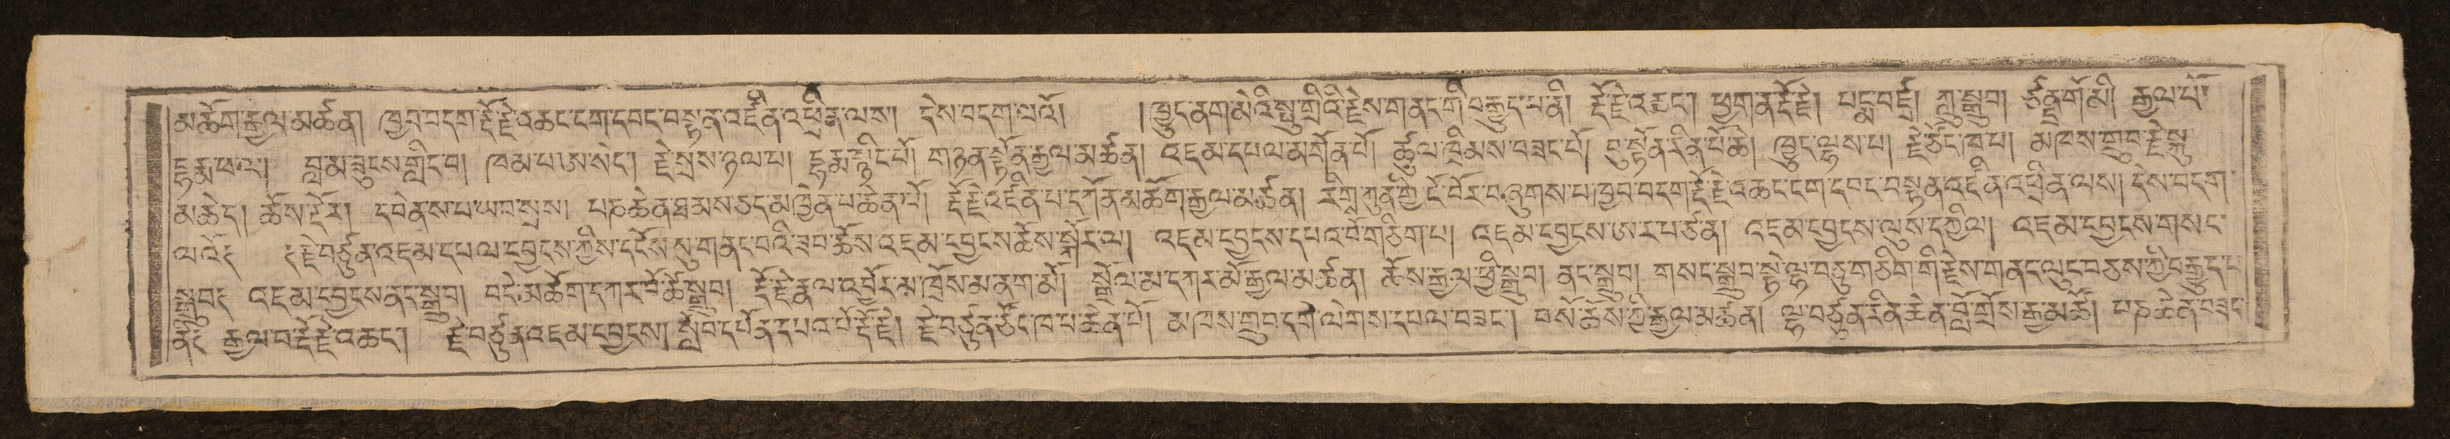མཆོག་རྒྱལ་མཚན། ཁྱབ་བདག་རྡོ་རྗེ་འཆང་ངག་དབང་བསྟན་འཛིན་འཕྲིན་ལས། དེས་བདག་ལའོ། །ཁྱུད་ནག་མེའི་སྤུ་གྲིའི་རྗེས་གནང་གི་བརྒྱུད་པ་ནི། རྡོ་རྗེ་འཆང་། ཕྱག་ན་རྡོ་རྗེ། པདམ་བཛྲ། ཀླུ་སྒྲུབ། ཙནྡྲ་གོ་མི། རྒྱལ་པོ་
དྷརྨ་ཕལ། བླ་མ་ཟུངས་གླིང་བ། ཁམ་པ་ཨ་སེང་། རྗེ་སྲས་ཉལ་པ། དྷརྨ་སྙིང་པོ། གཉན་སྟོན་རྒྱལ་མཚན། འཇམ་དཔལ་མགོན་པོ། ཚུལ་ཁྲིམས་བཟང་པོ། བུ་སྟོན་རིན་པོ་ཆེ། ཁྱུད་ལྷས་པ། རྗེ་ཙོང་ཁ་པ། མཁས་གྲུབ་རྗེ་སྐུ་
མཆེད། ཆོས་རྡོར། དབེན་ས་པ་ཡབ་སྲས། པཎ་ཆེན་ཐམས་ཅད་མཁྱེན་པ་ཆེན་པོ། རྡོ་རྗེ་འཛིན་པ་དཀོན་མཆོག་རྒྱལ་མཚན། རིགས་ཀུན་གྱི་ངོ་བོར་བཞུགས་པ་ཁྱབ་བདག་རྡོ་རྗེ་འཆང་ངག་དབང་བསྟན་འཛིན་འཕྲིན་ལས། དེས་བདག་
ལའོ༑ ༑རྗེ་བཙུན་འཇམ་དཔལ་དབྱངས་ཀྱིས་དངོས་སུ་གནང་བའི་ཟབ་ཆོས་འཇམ་དབྱངས་ཆོས་སྐོར་ལ། འཇམ་དབྱངས་དཔའ་བོ་གཅིག་པ། འཇམ་དབྱངས་ཨ་ར་པ་ཙ་ན། འཇམ་དབྱངས་ལུས་དཀྱིལ། འཇམ་དབྱངས་གསང་
སྒྲུབ༑ འཇམ་དབྱངས་ནད་སྒྲུབ། བདེ་མཆོག་དཀར་པོ་ཚེ་སྒྲུབ། རྡོ་རྗེ་རྣལ་འབྱོར་མ་ཁྲོས་མ་ནག་མོ། སྒྲོལ་མ་དཀར་མོ་རྒྱལ་མཚན། ཆོས་རྒྱལ་ཕྱི་སྒྲུབ། ནང་སྒྲུབ། གསང་སྒྲུབ་སྟེ་ལྷ་བཅུ་གཅིག་གི་རྗེས་གནང་ལུང་བཅས་ཀྱི་བརྒྱུད་པ་
ནི༑ རྒྱལ་བ་རྡོ་རྗེ་འཆང་། རྗེ་བཙུན་འཇམ་དབྱངས། སློབ་དཔོན་དཔའ་བོ་རྡོ་རྗེ། རྗེ་བཙུན་ཙོང་ཁ་པ་ཆེན་པོ། མཁས་གྲུབ་དགེ་ལེགས་དཔལ་བཟང་། བ་སོ་ཆོས་ཀྱི་རྒྱལ་མཚན། ལྷ་བཙུན་རིན་ཆེན་བློ་གྲོས་རྒྱ་མཚོ། པཎ་ཆེན་བཟང་